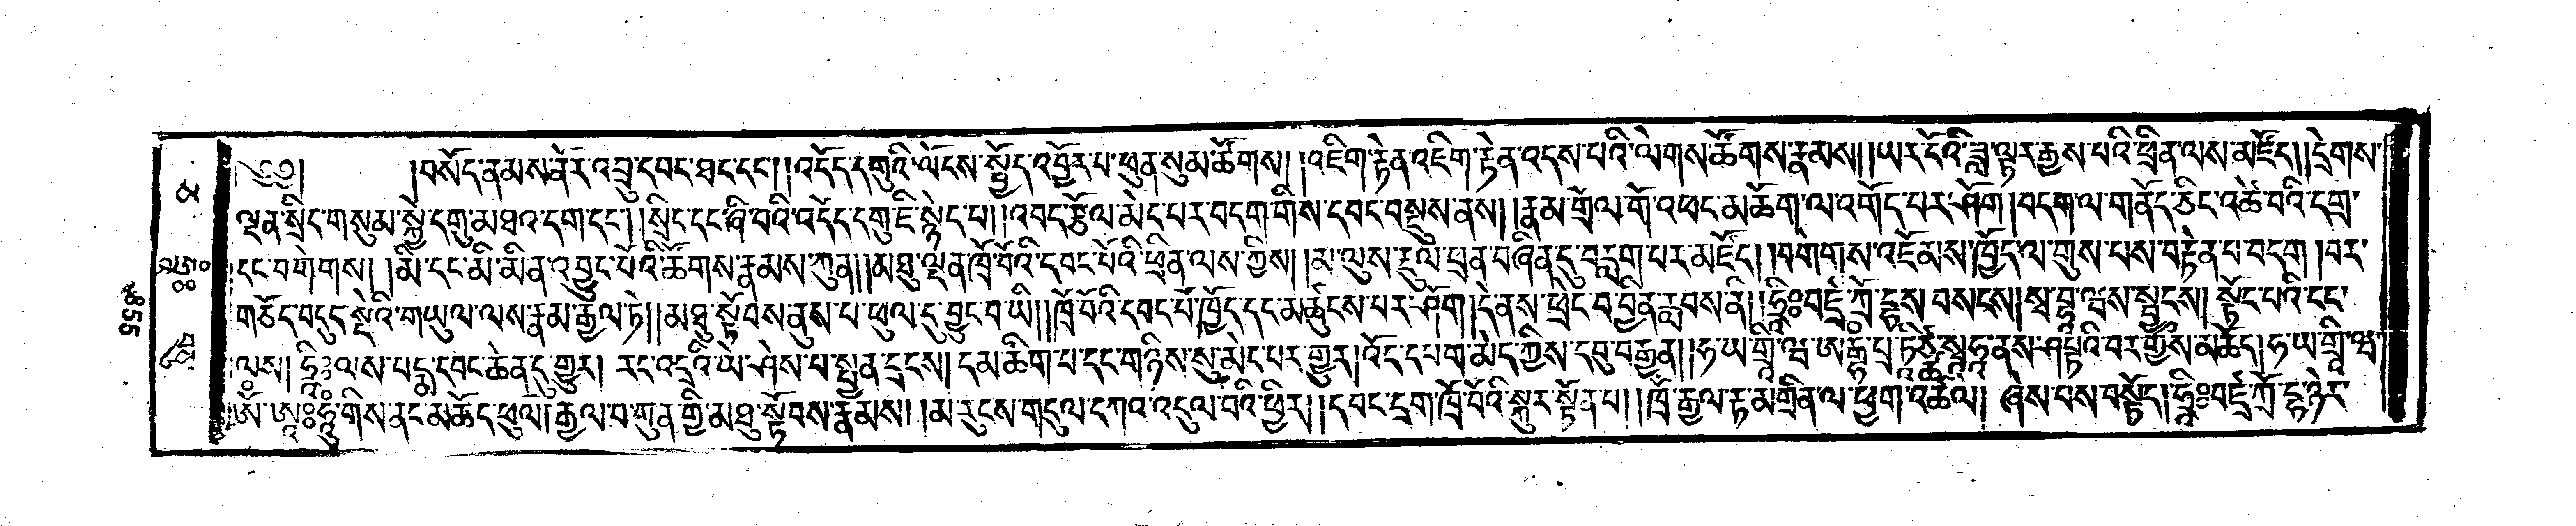༄༅། །བསོད་ནམས་ནོར་འབྲུ་དབང་ཐང་དང་། །འདོད་དགུའི་ལོངས་སྤྱོད་འབྱོར་པ་ཕུན་སུམ་ཚོགས། །འཇིག་རྟེན་འཇིག་རྟེན་འདས་པའི་ལེགས་ཚོགས་རྣམས། །ཡར་ངོའི་ཟླ་ལྟར་རྒྱས་པའི་ཕྲིན་ལས་མཛོད། །དྲེགས་
ལྡན་སྲིད་གསུམ་སྐྱེ་དགུ་མཐའ་དག་དང་། །སྲིད་དང་ཞི་བའི་འདོད་དགུ་ཇི་སྙེད་པ། །འབད་རྩོལ་མེད་པར་བདག་གིས་དབང་བསྡུས་ནས། །རྣམ་གྲོལ་གོ་འཕང་མཆོག་ལ་འགོད་པར་ཤོག །བདག་ལ་གནོད་ཅིང་འཚེ་བའི་དགྲ་
དང་བགེགས། །མི་དང་མི་མིན་འབྱུང་པོའི་ཚོགས་རྣམས་ཀུན། །མཐུ་ལྡན་ཁྲོ་བོའི་དབང་པོའི་ཕྲིན་ལས་ཀྱིས། །མ་ལུས་རྡུལ་ཕྲན་བཞིན་དུ་བརླག་པར་མཛོད། །བགེགས་འཇོམས་ཁྱོད་ལ་གུས་པས་བརྟེན་པ་བདག །བར་
གཅོད་བདུད་སྡེའི་གཡུལ་ལས་རྣམ་རྒྱལ་ཏེ། །མཐུ་སྟོབས་ནུས་པ་ཕུལ་དུ་བྱུང་བ་ཡི། །ཁྲོ་བོའི་དབང་པོ་ཁྱོད་དང་མཚུངས་པར་ཤོག །དེ་ནས་ཕྲེང་བ་བྱིན་རླབས་ནི། །ཧྲཱིཿ བཛྲ་ཀྲོ་དྷས་བསངས། སྭ་བྷཱ་ཝས་སྦྱངས། སྟོང་པའི་ངང་
ལས། ཧྲཱིཿ ལས་པདམ་དབང་ཆེན་དུ་གྱུར། རང་འདྲའི་ཡེ་ཤེས་པ་སྤྱན་དྲངས། དམ་ཚིག་པ་དང་གཉིས་སུ་མེད་པར་གྱུར། འོད་དཔག་མེད་ཀྱིས་དབུ་བརྒྱན། །ཧ་ཡ་གྲཱི་ཝ་ཨརྒྷཾ་པྲ་ཏཱིཙྪ་སྭཱཧཱ་ནས་ཤཔྟའི་བར་གྱིས་མཆོད། ཧ་ཡ་གྲཱི་ཝ་
ཨོཾ་ཨཱཿ ཧཱུཾ་གིས་ནང་མཆོད་ཕུལ། རྒྱལ་བ་ཀུན་གྱི་མཐུ་སྟོབས་རྣམས། །མ་རུངས་གདུལ་དཀའ་འདུལ་བའི་ཕྱིར། །དབང་དྲག་ཁྲོ་བོའི་སྐུར་སྟོན་པ། །ཁྲོ་རྒྱལ་རྟ་མགྲིན་ལ་ཕྱག་འཚལ། ཞེས་པས་བསྟོད། ཧྲཱིཿ བཛྲ་ཀྲོ་དྷ་ཉེར་